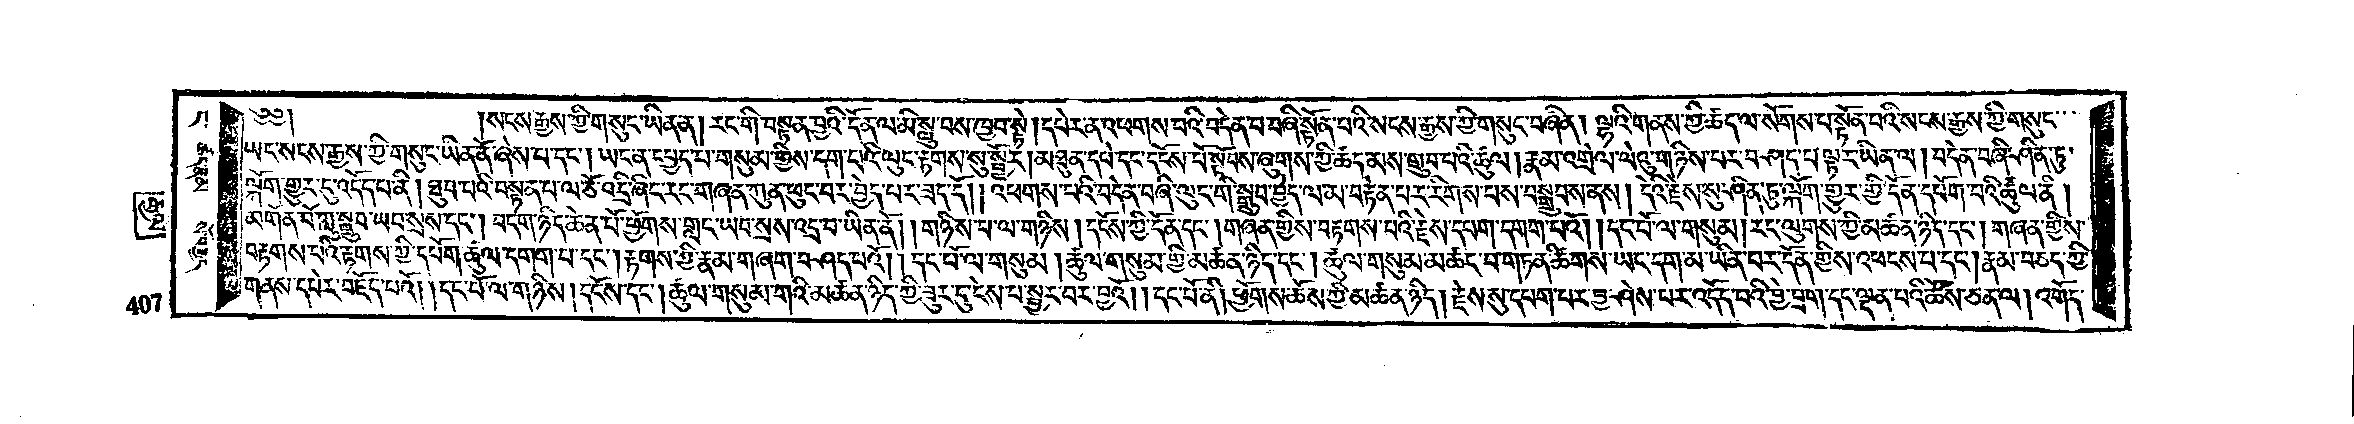༄༅། །སངས་རྒྱས་ཀྱི་གསུང་ཡིན་ན། རང་གི་བསྟན་བྱའི་དོན་ལ་མི་སླུ་བས་ཁྱབ་སྟེ། དཔེར་ན་འཕགས་པའི་བདེན་པ་བཞི་སྟོན་པའི་སངས་རྒྱས་ཀྱི་གསུང་བཞིན། ལྷའི་གནས་ཀྱི་ཚད་ལ་སོགས་པ་སྟོན་པའི་སངས་རྒྱས་ཀྱི་གསུང་
ཡང་སངས་རྒྱས་ཀྱི་གསུང་ཡིན་ནོ་ཞེས་པ་དང་། ཡང་ན་དཔྱད་པ་གསུམ་གྱིས་དག་པའི་ལུང་རྟོགས་སུ་སྦྱོར། མཐུན་དཔེ་དང་དངོས་པོ་སྟོབས་ཞུགས་ཀྱི་ཚད་མས་གྲུབ་པའི་ཚུལ། རྣམ་འགྲེལ་ལེའུ་གཉིས་པར་བཤད་པ་ལྟར་ཡིན་ལ། བདེན་བཞི་ཤིན་ཏུ་
ལྐོག་གྱུར་དུ་འདོད་པ་ནི། ཐུབ་པའི་བསྟན་པ་ལ་ཅོ་འདྲི་ཞིང་རང་གཞན་ཀུན་ཕུང་པར་བྱེད་པར་ཟད་དོ། །འཕགས་པའི་བདེན་བཞི་ལུང་གི་སྒྲུབ་བྱེད་ལ་མ་བརྟེན་པར་རིགས་པས་བསྒྲུབས་ནས། དེའི་རྗེས་སུ་ཞིན་ཏུ་གྱུར་གྱི་དོན་དཔོག་པའི་ཚུལ་ནི།
མགོན་པོ་ཀླུ་སྒྲུབ་ཡབ་སྲས་དང་། བདག་ཉིད་ཆེན་པོ་ཕྱོགས་གླང་ཡབ་སྲས་འདྲ་བ་ཡིན་ནོ། །གཉིས་པ་ལ་གཉིས། དངོས་ཀྱི་དོན་དང་། གཞན་གྱིས་བརྟགས་པའི་རྗེས་དཔག་དགག་པའོ། དང་པོ་ལ་གསུམ། རང་ལུགས་ཀྱི་མཚན་ཉིད་དང་། གཞན་གྱིས་
བརྟགས་པའི་རྟགས་ཀྱི་དཔོགས་ཚུལ་དགག་པ་དང་། རྟགས་ཀྱི་རྣམ་གཞག་བཤད་པའོ། །དང་པོ་ལ་གསུམ། ཚུལ་གསུམ་གྱི་མཚན་ཉིད་དང་། ཚུལ་གསུམ་མ་ཚང་བ་གཏན་ཚིགས་ཡང་དག་མ་ཡིན་པར་དོན་གྱིས་འཕངས་པ་དང་། རྣམ་བཅད་ཀྱི་
གནས་དཔེར་བརྗོད་པའོ། །དང་པོ་ལ་གཉིས། དངོས་དང་། ཚུལ་གསུམ་གའི་མཚན་ཉིད་ཀྱི་ཟུར་དུ་ངེས་པ་སྦྱར་བར་བྱའོ། །དང་པོ་ནི། ཕྱོགས་ཆོས་ཀྱི་མཚན་ཉིད། རྗེས་སུ་དཔག་པར་བྱ་ཤེས་པར་འདོད་པའི་བྱེ་བྲག་དང་ལྡན་པའི་ཆོས་ཅན་ལ། འགོད་